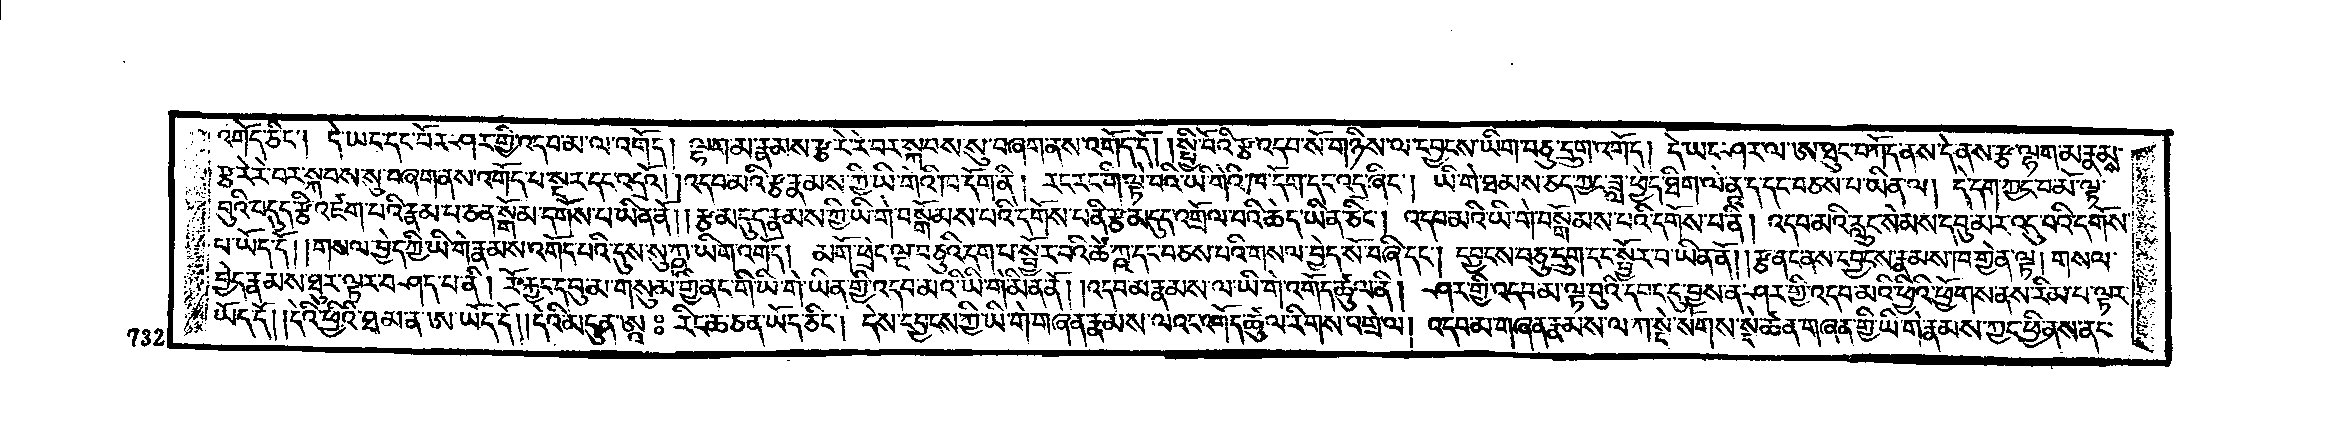འགོད་ཅིང་། དེ་ཡང་དང་པོར་ཤར་གྱི་འདབ་མ་ལ་འགོད། ལྷག་མ་རྣམས་རྩ་རེ་རེ་བར་སྐབས་སུ་བཞག་ནས་འགོད་དོ། །སྤྱི་བོའི་རྩ་འདབ་སོ་གཉིས་ལ་དབྱངས་ཡིག་བཅུ་དྲུག་འགོད། དེ་ཡང་ཤར་ལ་ཨ་ཐུང་བཀོད་ནས་དེ་ནས་རྩ་ལྷག་མ་རྣམས་
རྩ་རེ་རེ་བར་སྐབས་སུ་བཞག་ནས་འགོད་པ་སྔར་དང་འདྲའོ། །འདབ་མའི་རྩ་རྣམས་ཀྱི་ཡི་གེའི་ཁ་དོག་ནི། རང་རང་གི་ལྟེ་བའི་ཡི་གེའི་ཁ་དོག་དང་འདྲ་ཞིང་། ཡི་གེ་ཐམས་ཅད་ཀྱང་ཟླ་ཕྱེད་ཐིག་ལེ་ནཱ་ད་དང་བཅས་པ་ཡིན་ལ། དེ་དག་ཀྱང་བ་མོ་ལྟ་
བུའི་བདུད་རྩི་འཛག་པའི་རྣམ་པ་ཅན་སྒོམ་དགོས་པ་ཡིན་ནོ། །རྩ་མདུད་རྣམས་ཀྱི་ཡི་གེ་བསྒོམས་པའི་དགོས་པ་ནི་རྩ་མདུད་འགྲོལ་བའི་ཆེད་ཡིན་ཅིང་། འདབ་མའི་ཡི་གེ་བསྒོམས་པའི་དགོས་པ་ནི། འདབ་མའི་རླུང་སེམས་དབུ་མར་འདུ་བའི་དགོས་
པ་ཡོད་དོ། །གསལ་བྱེད་ཀྱི་ཡི་གེ་རྣམས་འགོད་པའི་དུས་སུ་ཀྵ་ཡིག་འགོད། མགོ་ཕྲེང་ལྔ་བཅུའི་དག་པ་སྦྱོར་བའི་ཚེ་ཀྵ་དང་བཅས་པའི་གསལ་བྱེད་སོ་བཞི་དང་། དབྱངས་བཅུ་དྲུག་དང་སྦྱོར་བ་ཡིན་ནོ། །རྩ་ནང་ནས་དབྱངས་རྣམས་ཁ་གྱེན་ལྟ། གསལ་
བྱེད་རྣམས་ཐུར་ལྟར་བཤད་པ་ནི། རོ་རྐྱང་དབུ་མ་གསུམ་གྱི་ནང་གི་ཡི་གེ་ཡིན་གྱི་འདབ་མའི་ཡི་གེ་མིན་ནོ། །འདབ་མ་རྣམས་ལ་ཡི་གེ་འགོད་ཚུལ་ནི། ཤར་གྱི་འདབ་མ་ལྟ་བུའི་དབང་དུ་བྱས་ན་ཤར་གྱི་འདབ་མའི་ཕྱིའི་ཕྱོགས་ནས་རིམ་པ་ལྟར་
ཡོད་དོ། །དེའི་ཕྱིའི་ཐ་མ་ན་ཨ་ཡོད་དོ། །དེའི་མདུན་ཨཱཿ རིང་ཆ་ཅན་ཡོད་ཅིང་། དེས་དབྱངས་ཀྱི་ཡི་གེ་གཞན་རྣམས་ལའང་འགོད་ཚུལ་རིགས་འགྲེལ། འདབ་མ་གཞན་རྣམས་ལ་ཀ་སྡེ་སོགས་སྡེ་ཚན་གཞན་གྱི་ཡི་གེ་རྣམས་ཀྱང་ཕྱི་ནས་ནང་